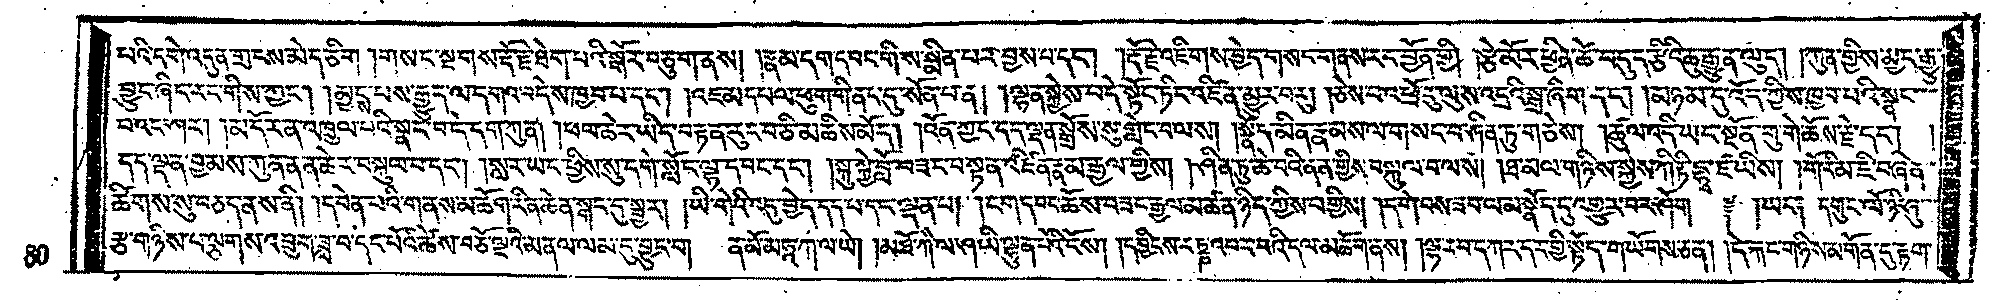པའི་དགེ་འདུན་གྲངས་མེད་ཅིག །གསང་སྔགས་རྡོ་རྗེ་ཐེག་པའི་སྒོར་བཅུག་ནས། །རྣམ་དག་དབང་གིས་སྨིན་པར་བྱས་པ་དང་། །རྡོ་རྗེ་འཇིགས་བྱེད་གསང་གནས་རང་བྱོན་གྱི། །རྩེ་མོར་ཕྱིན་ཚེ་བདུད་རྩིའི་ཆུ་རྒྱུན་ལུད། །ཀུན་གྱིས་མྱང་རྒྱུ་
བྱུང་ཞིང་རང་གིས་ཀྱང་། །མྱངས་པས་རྒྱུད་ལ་དགའ་བདེས་ཁྱབ་པ་དང་། །འཇམ་དཔལ་ཕུག་གི་ནང་དུ་སོན་པ་ན། །ལྷན་སྐྱེས་བདེ་སྟོང་ཏིང་འཛིན་མྱུར་བ་རུ། །ཅེས་པ་འཕྲོ་རུ་ལུས་འདྲའི་སྒྲ་ཞིག་དང་། །མཉམ་དུ་འོད་ཀྱིས་ཁྱབ་པའི་སྣང་
བའང་ཤར། །མདོར་ན་འཁྲུལ་པའི་སྣང་བ་དེ་དག་ཀུན། །ཕལ་ཆེར་ཡིད་བརྟན་རུང་བ་ཅི་མཆིས་མོད། །འོན་ཀྱང་དད་ལྡན་སྒྲོས་སུ་གླེང་བ་ལས། །སྣོད་མིན་རྣམས་ལ་གསང་བ་ཤིན་ཏུ་གཅེས། །ཚུལ་འདི་ཡང་སྔོན་གུ་གེ་ཆོས་རྗེ་དང་། །
དད་ལྡན་བྱམས་ཀུན་ནན་ཆེར་བསྐུལ་བ་དང་། །སླར་ཡང་ཕྱིས་སུ་དགེ་སློང་ལྷ་དབང་དང་། །སྐུ་སྐྱེ་བློ་བཟང་བསྟན་འཛིན་རྣམ་རྒྱལ་གྱིས། །ཤིན་ཏུ་ཆེ་བའི་ནན་གྱིས་བསྐུལ་བ་ལས། །ཐ་མལ་གཉིས་སྐྱེས་ཀི་རྟི་དྷྭ་ཛ་ཡིས། །གོ་རིམ་ཇི་བཞིན་
ཚིགས་དུ་བཅད་ནས་ནི། །དབེན་པའི་གནས་མཆོག་རིན་ཆེན་སྒང་དུ་སྦྱར། །ཡི་གེའི་འདུ་བྱེད་དད་པ་དང་ལྡན་པ། །ངག་དབང་ཆོས་བཟང་རྒྱལ་མཚན་ཉིད་ཀྱིས་བགྱིས། །དགེ་བས་ཟབ་ལམ་སྣོད་དུ་འགྱུར་བར་ཤོག ༈ །ཡང༑ དགུང་ལོ་ཉི་ཤུ་
རྩ་གཉིས་པ་ལྕགས་འབྲུག་ཟླ་བ་དང་པོའི་ཚེས་བཅོ་ལྔའི་མན་ལ་ལམ་དུ་བྱུང་བ། ན་མོ་མཧཱ་ཀ་ལ་ཡེ། །མཐོ་ཀཻ་ལ་ཤ་ཡི་ལྷུན་པོའི་ངོས། །དབྱིངས་རཏྞ་འབར་བའི་དལ་མཆོག་ནས། །ལྷ་རབ་དཀར་དར་གྱི་སྟོད་གཡོགས་ཅན། །དེ་རྐང་གཉིས་མགོན་དུ་རྟག་